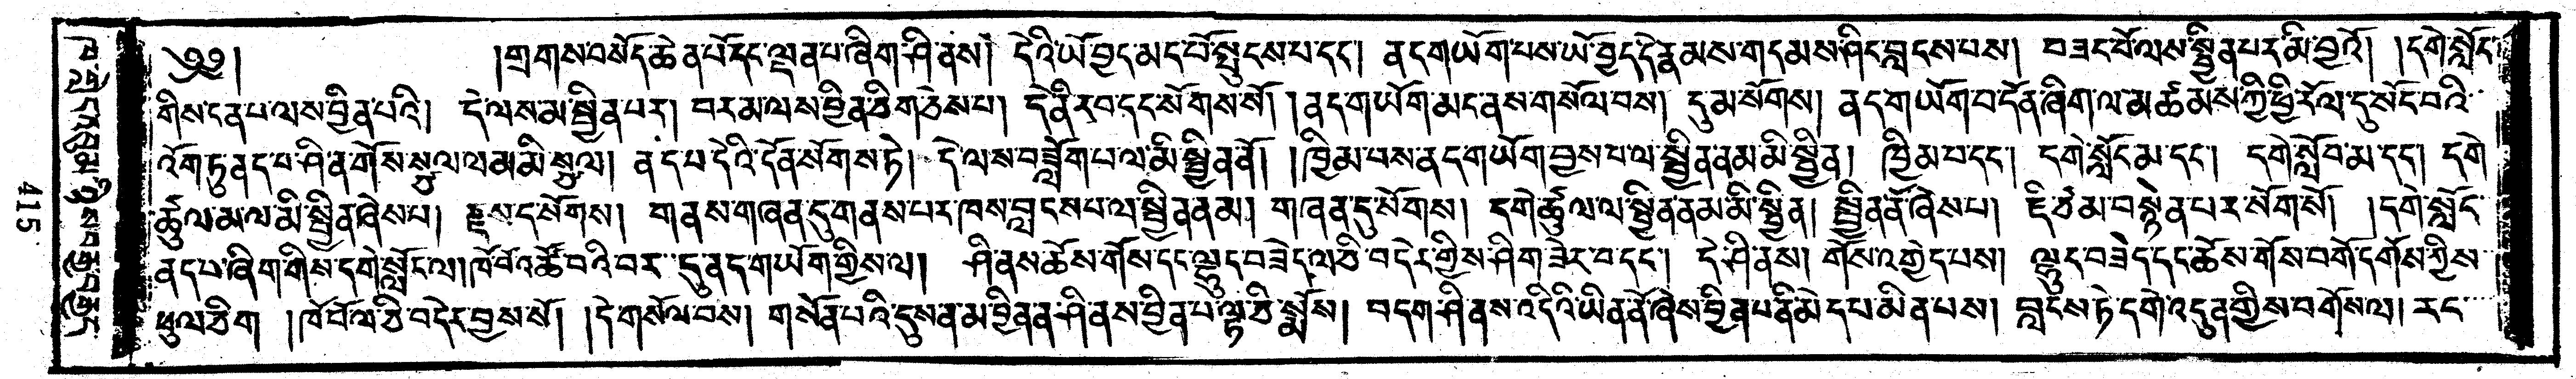༄༅། །གྲགས་བསོད་ཆེན་པོ་དང་ལྡན་པ་ཞིག་ཤི་ནས། དེའི་ཡོ་བྱད་མང་པོ་སྤུངས་པ་དང་། ནད་གཡོག་པས་ཡོ་བྱད་དེ་རྣམས་གདམས་ཤིང་བླངས་པས། བཟང་པོ་ལས་སྦྱིན་པར་མི་བྱའོ། །དགེ་སློང་
གིས་ངན་པ་ལས་བྱིན་པའི། དེ་ལས་མ་སྦྱིན་པར། བར་མ་ལས་བྱིན་ཅིག་ཅེས་པ། དེ་ནི་རབ་དང་སོགས་སོ། །ནད་གཡོག་མང་ནས་གསོལ་བས། དུ་མ་སོགས། ནད་གཡོག་བ་དོན་ཞིག་ལ་མཚམས་ཀྱི་ཕྱི་རོལ་དུ་སོང་བའི་
འོག་ཏུ་ནད་པ་ཤི་ན་གོས་སྩལ་ལམ་མི་སྩལ། ནད་པ་དེའི་དོན་སོགས་ཏེ། དེ་ལས་བཟློག་པ་ལ་མི་སྦྱིན་ནོ། །ཁྱིམ་པས་ནད་གཡོག་བྱས་པ་ལ་སྦྱིན་ནམ་མི་སྦྱིན། ཁྱིམ་པ་དང་། དགེ་སློང་མ་དང་། དགེ་སློབ་མ་དང་། དགེ་
ཚུལ་མ་ལ་མི་སྦྱིན་ཞེས་པ། རྫས་ད་སོགས། གནས་གཞན་དུ་གནས་པར་ཁས་བླངས་པ་ལ་སྦྱིན་ནམ། གཞན་དུ་སོགས། དགེ་ཚུལ་ལ་སྦྱིན་ནམ་མི་སྦྱིན། སྦྱིན་ནོ་ཞེས་པ། ཇི་ཙམ་བསྙེན་པར་སོག་སོ། །དགེ་སློང་
ནད་པ་ཞིག་གིས་དགེ་སློང་ལ། ཁོ་བོ་འཚོ་བའི་བར་དུ་ནད་གཡོག་གྱིས་ལ། ཤི་ནས་ཆོས་གོས་དང་ལྷུང་བཟེད་ལ་ཅི་བདེར་གྱིས་ཤིག་ཟེར་བ་དང་། དེ་ཤི་ནས། གོས་འགྱེད་པས། ལྷུང་བཟེད་དང་ཆོས་གོས་བགོ་དགོས་ཀྱིས་
ཕུལ་ཅིག །ཁོ་བོ་ལ་ཅི་བདེར་བྱས་སོ། །དེ་གསོལ་བས། གསོན་པའི་དུས་ན་མ་བྱིན་ན་ཤི་ནས་བྱིན་པ་ལྟ་ཅི་སྨོས། བདག་ཤི་ནས་འདིའི་ཡིན་ནོ་ཞེས་བྱིན་པ་ནི་མེད་པ་མིན་པས། བླངས་ཏེ་དགེ་འདུན་གྱིས་གསོལ། རང་